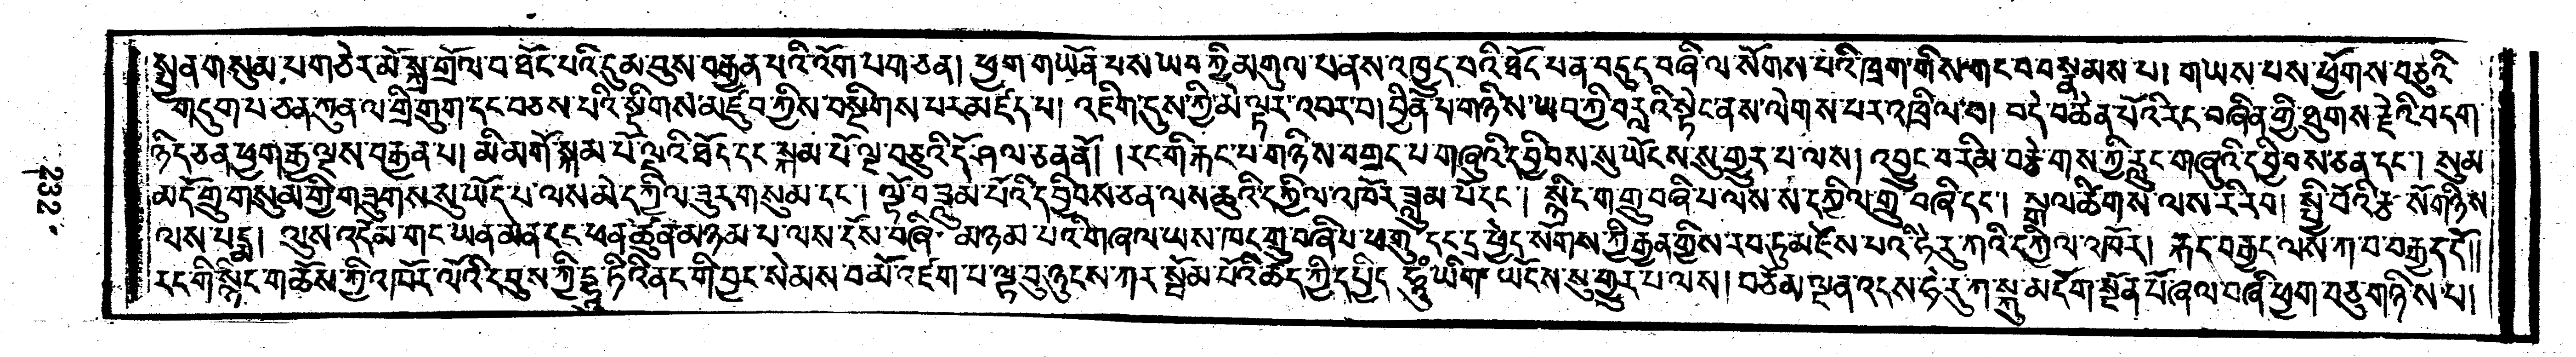སྤྱན་གསུམ་པ་གཅེར་མོ་སྐྲ་གྲོལ་བ་ཐོང་པའི་དུམ་བུས་བརྒྱན་པའི་འོག་པག་ཅན། ཕྱག་གཡོན་པས་ཡབ་ཀྱི་མགུལ་པ་ནས་འཁྱུད་པའི་ཐོང་པ་ན་བདུད་བཞི་ལ་སོགས་པའི་ཁྲག་གིས་གང་བ་བསྣམས་པ། གཡས་པས་ཕྱོགས་བཅུའི་
གདུག་པ་ཅན་ཀུན་ལ་གྲི་གུག་དང་བཅས་པའི་སྡིགས་མཛུབ་ཀྱིས་བསྡིགས་པར་མཛད་པ། འཇིག་དུས་ཀྱི་མེ་ལྟར་འབར་བ། བྱིན་པ་གཉིས་ཡབ་ཀྱི་བརླའི་སྟེང་ནས་ལེགས་པར་འཁྲིལ་བ། བདེ་བ་ཆེན་པོའི་རང་བཞིན་གྱི་ཐུགས་རྗེའི་བདག་
ཉིད་ཅན་ཕྱག་རྒྱ་ལྔས་བརྒྱན་པ། མི་མགོ་སྐམ་པོ་ལྔའི་ཐོད་དང་སྐམ་པོ་ལྔ་བཅུའི་དོ་ཤལ་ཅན་ནོ། །རང་གི་རྐང་པ་གཉིས་བགྲང་པ་གཞུའི་དབྱིབས་སུ་ཡོངས་སུ་གྱུར་པ་ལས། འབྱུང་བ་རིམ་བརྩེ་གས་ཀྱི་རླུང་གཞུའི་དབྱིབས་ཅན་དང་། སུམ་
མདོ་གྲུ་གསུམ་གྱི་གཟུགས་སུ་ཡོད་པ་ལས་མེ་དཀྱིལ་ཟུར་གསུམ་དང་། ལྟོ་བཟླུམ་པོའི་དབྱིབས་ཅན་ལས་ཆུའི་དཀྱིལ་འཁོར་ཟླུམ་པོ་དང་། སྙིང་ག་གྲུ་བཞི་པ་ལས་ས་དཀྱིལ་གྲུ་བཞི་དང་། སྒལ་ཚིགས་ལས་རི་རབ། སྤྱི་བོའི་རྩ་སོ་གཉིས་
ལས་པདམ། ལུས་འདོམ་གང་ཡན་མན་དང་ཕན་ཚུན་མཉམ་པ་ལས་ངོས་བཞི་མཉམ་པའི་གཞལ་ཡས་ཁང་གྲུ་བཞི་པ་ཕ་གུ་དང་དྲ་ཕྱེད་སོགས་ཀྱི་རྒྱན་གྱིས་རབ་ཏུ་མཛེས་པའི་ཧེ་རུ་ཀའི་དཀྱིལ་འཁོར། རྐང་བརྒྱད་ལས་ཀ་བ་བརྒྱད་དོ།།
རང་གི་སྙིང་ག་ཆོས་ཀྱི་འཁོར་ལོའི་དབུས་ཀྱི་དྷཱུ་ཏིའི་ནང་གི་བྱང་སེམས་བ་མོ་འཛག་པ་ལྟ་བུ་ཉུངས་ཀར་སྦོམ་པོའི་ཚད་ཀྱི་དཔྱིད་ཧཱུཾ་ཡིག་ཡོངས་སུ་གྱུར་པ་ལས། བཅོམ་ལྡན་འདས་ཧེ་རུ་ཀ་སྐུ་མདོག་སྔོན་པོ་ཞལ་བཞི་ཕྱག་བཅུ་གཉིས་པ།